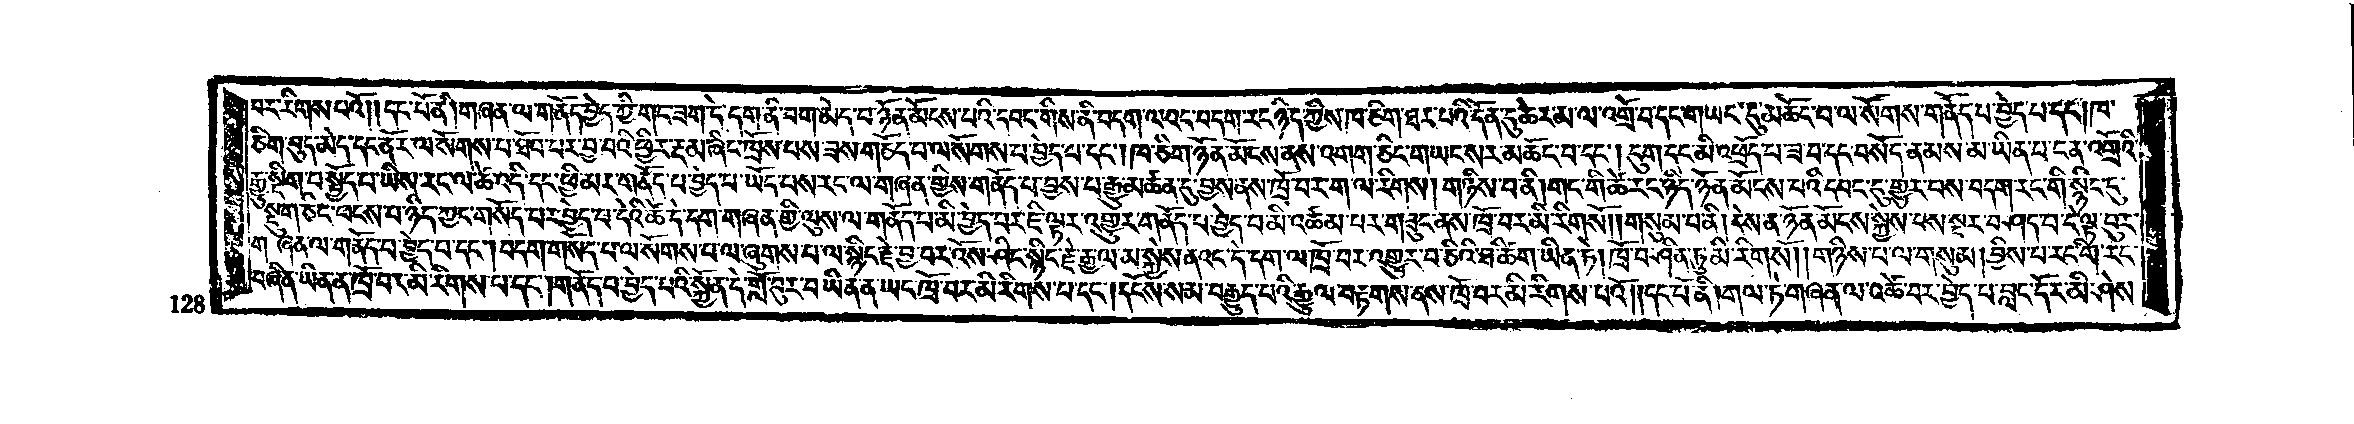པར་རིགས་པའོ། །དང་པོ་ནི། གཞན་ལ་གནོད་བྱེད་ཀྱི་གང་ཟག་དེ་དག་ནི་བག་མེད་པ་ཉོན་མོངས་པའི་དབང་གིས་ནི་བདག་ལའང་བདག་རང་ཉིད་ཀྱིས་ཁ་ཅིག་ཐར་པའི་དོན་དུ་ཆེར་མ་ལ་འགྲོ་བ་དང་གཡང་དུ་མཆོད་པ་ལ་སོགས་གནོད་པ་བྱེད་པ་དང་། ཁ་
ཅིག་བུད་དེད་དང་ནོར་ལ་སོགས་པ་ཐོབ་པར་བྱ་བའི་ཕྱིར་རྡམ?་ཞིང་ཁྲོས་པས་ཟས་གཅོད་པ་ལ་སོགས་པ་བྱེད་པ་དང་། ཁ་ཅིག་ཉོན་མོངས་ནས་འགག་ཅིག་གཡང་སར་མཆོད་པ་དང་། དུག་དང་མི་འཕྲོད་པ་ཟ་བ་དང་བསོད་ནམས་མི་ཡིན་པ་ངན་འགྲོའི་
རྒྱུ་སྡིག་པ་སྤྱོད་པ་ཡིས་རང་ལ་ཚེ་འདི་དང་ཕྱི་མར་གནོད་པ་བྱེད་པ་ཡོད་པས་རང་ལ་གཞན་གྱིས་གནོད་པ་བྱས་པ་རྒྱུ་མཚན་དུ་བྱས་ནས་ཁྲོ་བར་ག་ལ་རིགས། གཉིས་པ་ནི། གང་གི་ཚེ་རང་ཉིད་ཉོན་མོངས་པའི་དབང་དུ་གྱུར་པས་བདག་རང་གི་སྙིང་དུ་
སྡུག་ཅིང་ཕངས་པ་ཉིད་ཀྱང་གསོད་པར་བྱེད་པ་དེའི་ཚེ་དེ་དག་གཞན་གྱིས་ལུས་ལ་གནོད་པ་མི་བྱེད་པར་ཇི་ལྟར་འགྱུར་གནོད་པ་བྱེད་པ་མི་འཚམ་པར་གཟུང་ནས་ཁྲོ་བར་མི་རིགས་སོ། །གསུམ་པ་ནི། དེས་ན་ཉོན་མོངས་སྐྱེས་པས་སྔར་བཤད་པ་དེ་ལྟ་བུར་
གཞན་ལ་གནོད་པ་བྱེད་པ་དང་། བདག་གསོད་པ་ལ་སོགས་པ་ལ་ཞུགས་པ་ལ་སྙིང་རྗེ་བྱ་བར་འོས་ཤིང་སྙིང་རྗེ་རྒྱུ་ལ་མ་སྐྱེས་ནའང་དེ་དག་ལ་ཁྲོ་བར་འགྱུར་བ་ཅིའི་ཐ་ཚིག་ཡིན་ཏེ། ཁྲོ་བ་ཤིན་ཏུ་མི་རིགས་སོ། །གཉིས་པ་ལ་གསུམ། བྱིས་པ་རང་གི་རང་
བཞིན་ཡིན་ན་ཁྲོ་བར་མི་རིགས་པ་དང་། གནོད་པ་བྱེད་པའི་སྐྱོན་དེ་གློ་བུར་བ་ཡིན་ན་ཡང་ཁྲོ་བར་མི་རིགས་པ་དང་། དངོས་སམ་བརྒྱུད་པའི་རྒྱུལ་བརྟགས་ནས་ཁྲོ་བར་མི་རིགས་པའོ། །དང་པོ་ནི། །གལ་ཏེ་གཞན་ལ་འཚེ་བར་བྱེད་པ་བང་དོར་མི་ཤེས་